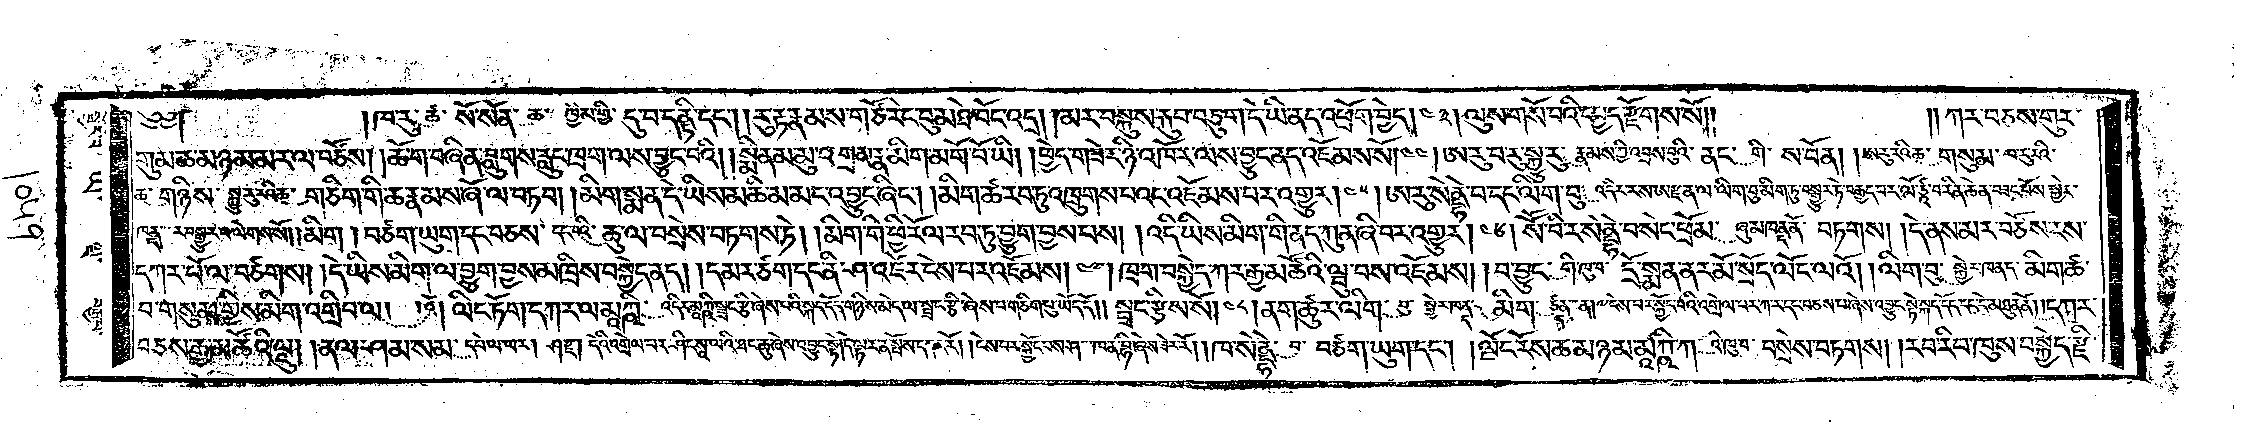༄༅། །ཁ་རུ་ཚ་སོ་སོན་ཆ་ཁྱིམ་གྱི་དུ་བ་དནྟི་དང་། །རུ་རྟ་རྣམས་གཙོ་རེང་བུ་མཐེ་བོང་འདྲ། །མར་བསྐུས་རྐུབ་བཅུག་དེ་ཡི་ནད་འཕྲོག་བྱེད། ༤༣་།ལུས་གསོ་བའི་དཔྱད་རྫོགས་སོ།། །།ཀར་བཅས་གུར་
གུམ་ཆ་མཉམ་མར་ལ་བཙོས། །ཆོ་ག་བཞིན་བླུགས་རླུང་ཁྲག་ལས་བྱུང་བའི། །སྨིན་མ་མུ་འགྲམ་རྣ་མིག་མགོ་བོ་ཡི། །ཕྱེད་གཟེར་ཉི་འཁོར་ལས་བྱུང་ནད་འཇོམས་སོ། ༤༤་།ཨ་རུ་བ་རུ་སྐྱུ་རུ་རྣམས་ཀྱི་འབྲས་བུའི་ནང་གི་ས་བོན། །ཨ་རུ་རའི་ཆ་གསུམ་ཁ་རུ་རའི་
ཆ་གཉིས་སྒྱུ་རུ་རའི་ཆ་གཅིག་གི་ཆ་རྣམས་ཞོ་ལ་བཏབ། །མིག་སྨན་དེ་ཡིས་མཆི་མ་མང་འབྱུང་ཞིང་། །མིག་ཚ་རབ་ཏུ་འཁྲུགས་པའང་འཇོམས་པར་འགྱུར། ༤༥་།ཨ་རུ་སེནྡྷེ་བ་དང་ལིག་བུ་འདིར་རས་ཨ་རྫ་ན་ལ་ལིག་བུ་མིག་ཏུ་བསྒྱུར་ཏེ་བརྒྱད་པར་ལོ་ཙཱ་བ་རིན་ཆེན་བཟང་པོས་སྐྱེར་
ཁནྡ་རབ་སྒྱུར་བ་ལེགས་སོ། །མིག །བཙག་ཡུག་དང་བཅས་དང་བའི་ཆུ་ལ་བསྲེས་བཏགས་ཏེ། །མིག་གི་ཕྱི་རོལ་རབ་ཏུ་བྱུག་བྱས་པས། །འདི་ཡིས་མིག་གི་ནད་ཀུན་ཞི་བར་འགྱུར། ༤༦་།སཽ་བི་ར་སེནྡྷེ་བ་སེང་ཕྲོམ་ཞུ་མཁནྡ་ནོ་བཏགས། །དེ་ནས་མར་བཅོས་རས་
དཀར་པོ་ལ་བཙགས། །དེ་ཡིས་མིག་ལ་བྱུག་བྱས་མཁྲིས་བསྐྱེད་ནད། །དམར་ཙག་དང་ནི་ཤ་འཛེར་ངེས་པར་འཇོམས། ༤༧་།ཁྲག་བསྐྱེད་ཀར་རྒྱ་མཚོའི་ལྦུ་བས་འཇོམས། །བ་བྱུང་གི་ཁུ་བ་དྲོ་སྨན་ནར་མོ་སྲོད་ལོང་ལའོ། །ལིག་བུ་སྐྱེར་ཁ་ནད་མིག་ཚ་
བ་གསུམ་གྱིས་མིག་འགྲིབ་ལ། །འོ། ལིང་ཏོག་དཀར་ལ་མཱཀྵི་འདིར་མཱཀྵི་སྦྲང་རྩི་ཞེས་པའི་སྐད་དོད་གཉིས་མེད་ལ་སྦྲང་རྩི་ཞེས་བ་གཅིག་པུ་ཡོད་དོ། །སྦྲང་རྩིས་སོ། ༤༨་།ནག་ཚུར་ལིག་བུ་སྐྱེར་ཁནྡ་མིག་ཙནྡ་ན། ༧་ངེས་པར་སྐྱོང་བའི་འགྲེལ་པར་ཀ་ར་དང་བཅས་པ་ཞེས་འབྱུང་སྟེ་སྐད་དོད་དང་དེ་མཐུན་ནོ། །དཀར་
བཅས་རྒྱ་མཚོའི་ལཱུ། །ནལ་ཤམ་སམ་དཔེལ་ལར། ཤརྫ། དེའི་འགྲེལ་པར་ཤིང་སཱ་ལའི་ཐང་ཆུ་ཞེས་འབྱུང་སྟེ། དེ་ལྟར་ན་སྤོས་དཀར་རོ། །ངེས་པར་སྐྱོང་བས་ཤ་ཁ་ན་བྷི་ཞེས་ཟེར་རོ། །ཁ་སེནྡྷེ་བ་བཙག་ཡུག་དང་། །ཝོང་རོས་ཆ་མཉམ་མཱཀྵི་ཀའི་ཁུ་བ་བསྲེས་བཏགས། །རབ་རིབ་ཁུས་བསྐྱེད་རྫི་